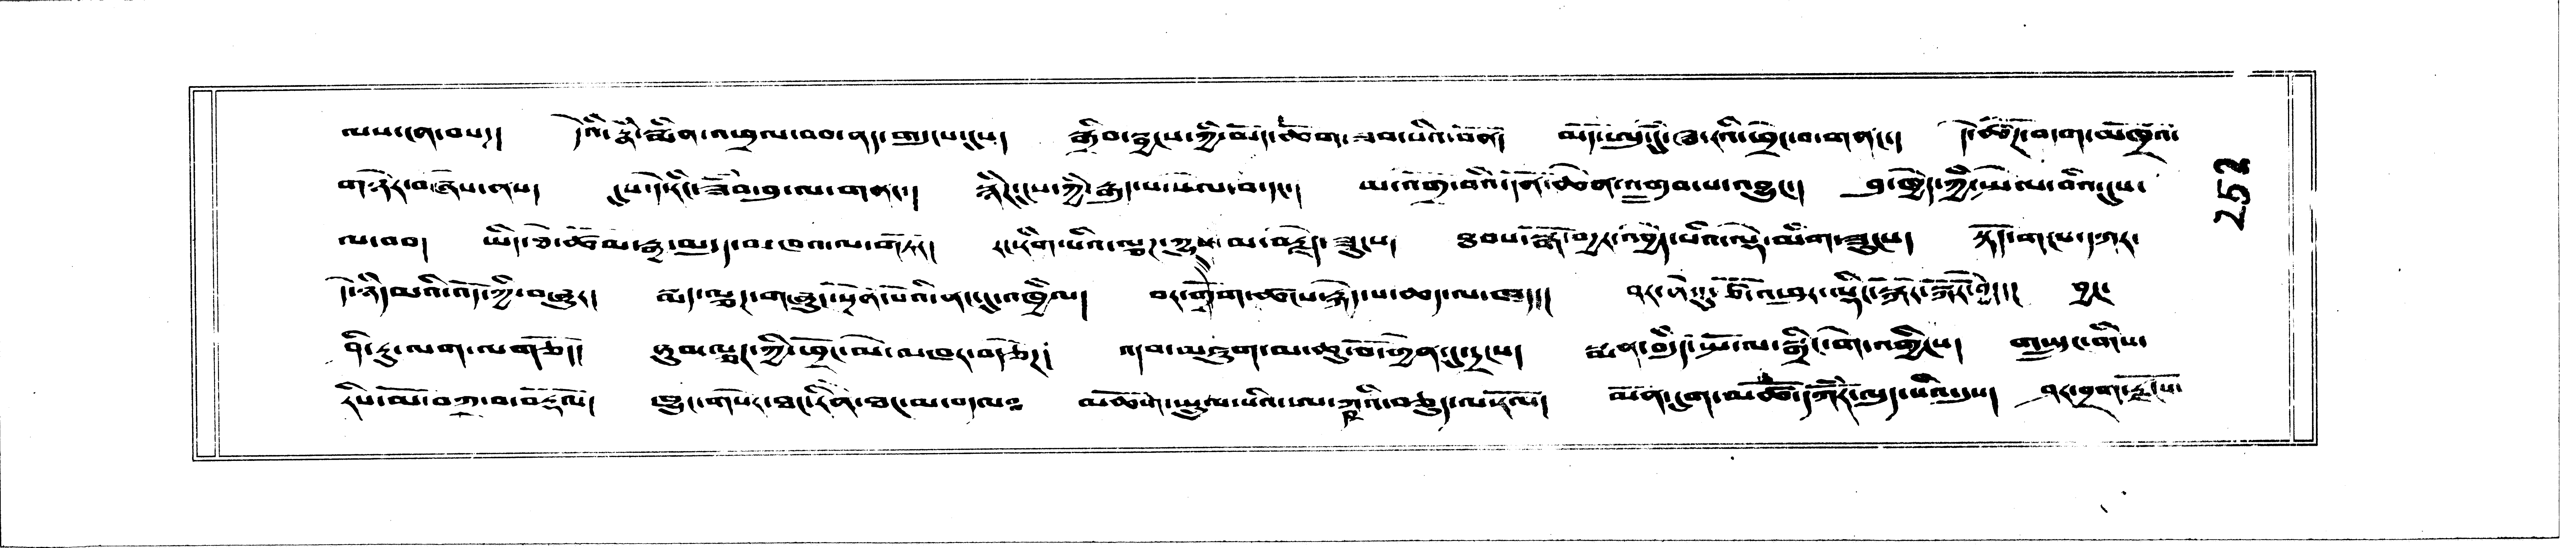ལས་ངན་བསགསཿ དེའི་རྣམ་སྨིན་འཕྲལ་བབས་ནད་གདུང་དུསཿ སྒྲིབ་སྦྱང་གི་མདོ་ཆོག་ཟབ་པའི་བོནཿ མདོ་ཨུ་དུམ་ཝ་རའི་ཕྲེང་བ་གནངཿ དེ་ཚོགས་བདག་མཁའ་འགྲོའི་
གཉེར་བཞེས་ནསཿ དུས་དེ་རིང་ཟབ་མོ་བུ་ལ་གནངཿ སྙིགས་དུས་ཀྱི་རྒུད་པ་སེལ་བ་དངཿ མ་འགྲོ་བའི་དོན་ཆེན་འགྲུབ་པ་འབྱུངཿ བུ་ཁྱེད་ཀྱིས་སྤེལ་བའི་དུས་
ལ་བབསཿ ཡིད་ཐེ་ཚོམ་རྒྱ་མདུད་མཁའ་ལ་གཏོརཿ རང་རིག་པའི་ལྕཀྱུས་མ་བརྗེད་ཟུངསཿ ཐབས་སྒོ་བརྒྱར་འབྱེད་པའི་ལྡེ་མིག་ཟུངསཿ སྟོད་གངས་དཀར་
དེ་ཉི་མའི་འོད་ཀྱིས་བཞུརཿ སྨད་ལྕགས་གཞོང་སྔོན་པོའི་ནང་དུ་འཁྱིལཿ བར་གྲོག་ཚང་རྐེད་པ་ཆད་ལ་ཁདཿ ཤར་ནེ་ཙོ་འཕུར་ལྡིང་སྐོར་སྐོར་བྱེདཿ བྱང་
ཤི་༼༽རུ་ལག་ལགཅོདཿ ནུབ་ལྕགས་ཀྱི་ཕོ་བྲང་མེ་མཁར་བརྩེགསཿ འདབ་མཇུག་མ་ཆུ་བོ་གྱེན་དུ་དྲངསཿ སྨན་བདུད་རྩི་སྤོ་ལ་སེང་གེ་འགྱིངཿ གཡུང་དྲུང་གི་
རི་མོ་བཀྲ་བ་བརྡོལཿ ཁྱུང་གསེར་ཐང་རིན་ཆེན་ཐང་མ་བདལཿ མཆོག་སྤྲུལ་པའི་ཨ་ཀྵའི་བཅུད་ལ་རོལཿ མོན་དྲུག་མཚོ་དཀར་མོ་ལུད་པའི་དུསཿ ཤར་བྲག་རྫོང་